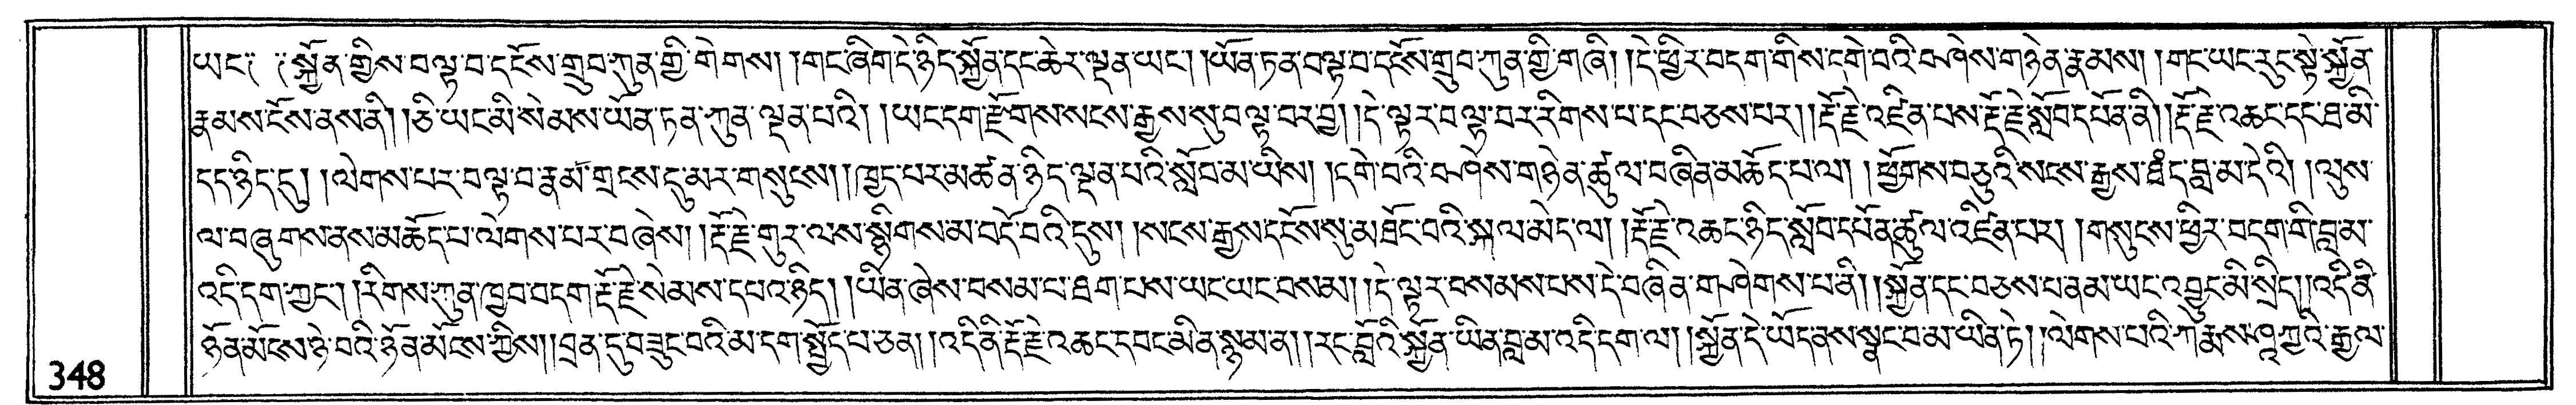ཡང་། །སྐྱོན་གྱིས་བལྟ་བ་དངོས་གྲུབ་ཀུན་གྱི་གེགས། །གང་ཞིག་དེ་ཉིད་སྐྱོན་དང་ཆེར་ལྡན་ཡང་། །ཡོན་ཏན་བལྟ་བ་དངོས་གྲུབ་ཀུན་གྱི་གཞི། །དེ་ཕྱིར་བདག་གིས་དགེ་བའི་བཤེས་གཉེན་རྣམས། །གང་ཡང་རུང་སྟེ་སྐྱོན་
རྣམས་ངོས་ནས་ནི། །ཅི་ཡང་མི་སེམས་ཡོན་ཏན་ཀུན་ལྡན་པའི། །ཡང་དག་རྫོགས་སངས་རྒྱས་སུ་བལྟ་བར་བྱ། །དེ་ལྟར་བལྟ་བར་རིགས་པ་དང་བཅས་པར། །རྡོ་རྗེ་འཛིན་པས་རྡོ་རྗེ་སློབ་དཔོན་ནི། །རྡོ་རྗེ་འཆང་དང་ཐ་མི་
དད་ཉིད་དུ། །ལེགས་པར་བལྟ་བ་རྣམ་གྲངས་དུ་མར་གསུངས། །ཁྱད་པར་མཚན་ཉིད་ལྡན་པའི་སློབ་མ་ཡིས། །དགེ་བའི་བཤེས་གཉེན་ཚུལ་བཞིན་མཆོད་པ་ལ། །ཕྱོགས་བཅུའི་སངས་རྒྱས་ཐམས་ཅད་བླ་མ་དེའི། །ལུས་
ལ་བཞུགས་ནས་མཆོད་པ་ལེགས་པར་བཞེས། །རྡོ་རྗེ་གུར་ལས་སྙིགས་མ་བདོ་བའི་དུས། །སངས་རྒྱས་དངོས་སུ་མཐོང་བའི་སྐལ་མེད་ལ། །རྡོ་རྗེ་འཆང་ཉིད་སློབ་དཔོན་ཚུལ་འཛིན་པར། །གསུངས་ཕྱིར་བདག་གི་བླ་མ་
འདི་དག་ཀྱང་། །རིགས་ཀུན་ཁྱབ་བདག་རྡོ་རྗེ་སེམས་དཔའ་ཉིད། །ཡིན་ཞེས་བསམ་པ་ཐག་པས་ཡང་ཡང་བསམ། །དེ་ལྟར་བསམས་པས་དེ་བཞིན་གཤེགས་པ་ནི། །སྐྱོན་དང་བཅས་པ་ནམ་ཡང་འབྱུང་མི་སྲིད། །འདི་ནི་
ཉོན་མོངས་ཉེ་བའི་ཉོན་མོངས་ཀྱིས། །བྲན་དུ་བཟུང་བའི་མ་དག་སྤྱོད་པ་ཅན། །འདི་ནི་རྡོ་རྗེ་འཆང་དབང་མིན་སྙམ་ན། །རང་བློའི་སྐྱོན་ཡིན་བླ་མ་འདི་དག་ལ། །སྐྱོན་དེ་ཡོད་ནས་སྣང་བ་མ་ཡིན་ཏེ། །ལེགས་པའི་ཀརྨས་ཤཱཀྱའི་རྒྱལ་